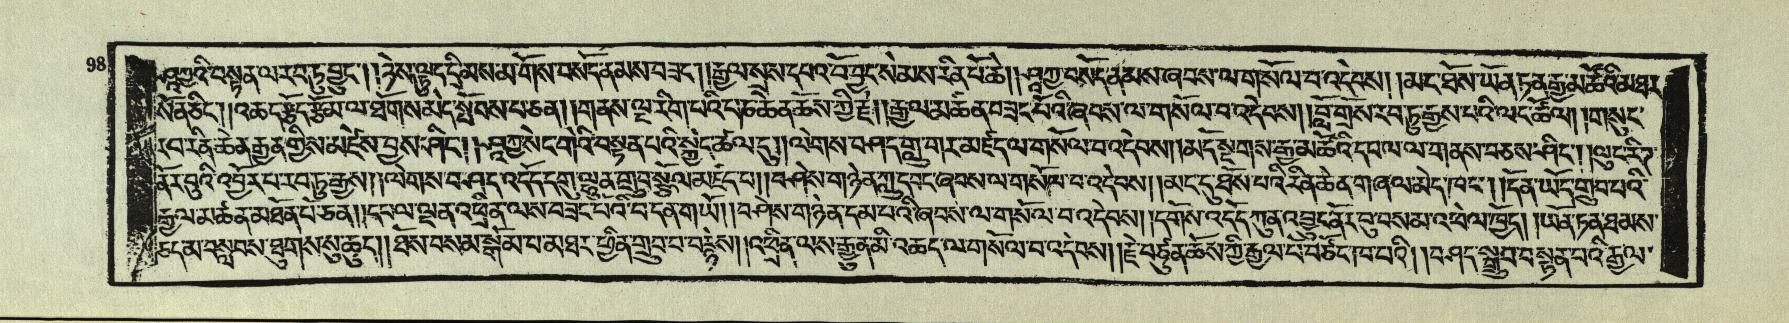ཤཱཀྱའི་བསྟན་ལ་རབ་ཏུ་བྱུང་། །ཉེས་ལྟུད་དྲི་མས་མ་གོས་བསོད་ནམས་བཟང་། །རྒྱལ་སྲས་དཔའ་བོ་བྱང་སེམས་རིན་པོ་ཆེ། །ཤཱཀྱ་བསོད་ནམས་ཞབས་ལ་གསོལ་བ་འདེབས། །མང་ཐོས་ཡོན་ཏན་རྒྱ་མཚོའི་མཐར་
སོན་ཅིང་། །འཆད་རྩོད་རྩོམ་ལ་ཐོགས་མེད་སྤོབས་པ་ཅན། །གནས་ལྔ་རིག་པའི་པཎ་ཆེན་ཆོས་ཀྱི་རྗེ། །རྒྱལ་མཚན་བཟང་པོའི་ཞབས་ལ་གསོལ་བ་འདེབས། །བློ་གྲོས་རབ་ཏུ་རྒྱས་པའི་ལང་ཚོལ། །གསུང་
རབ་རིན་ཆེན་རྒྱན་གྱིས་མཛེས་བྱས་ཤིང་། །ཤཱཀྱ་སེང་གེའི་བསྟན་པའི་སྐྱེད་ཚལ་དུ། །ལེགས་བཤད་གླུ་གར་མཛད་ལ་གསོལ་བ་འདེབས། །མདོ་སྔགས་རྒྱ་མཚོའི་དཔལ་ལ་གནས་བཅས་ཤིང་། །ལུང་རིཌ་
ནོར་བུའི་འབྱོར་པ་རབ་ཏུ་རྒྱས། །ལེགས་བཤད་འདོད་དགུ་ལྷུན་གྲུབ་སྩོལ་མཛད་པ། །བཤེས་གཉེན་ཀླུ་དབང་ཞབས་ལ་གསོལ་བ་འདེབས། །མང་དུ་ཐོས་པའི་རིན་ཆེན་གཞལ་མེད་ཁང་། །དོན་ཡོད་གྲུབ་པའི་
རྒྱལ་མཚན་མཐོན་པོ་ཅན། །དཔལ་ལྡན་འཕྲིན་ལས་བཟང་པོའི་བ་དན་གཡོ། །བཤེས་གཉེན་དམ་པའི་ཞབས་ལ་གསོལ་བ་འདེབས། །དགོས་འདོད་ཀུན་འབྱུང་ནོར་བུ་བསམ་འཕེལ་ཁྱོད། །ཡོན་ཏན་ཐམས་
ཅད་མ་བསླབས་ཐུགས་སུ་ཆུད། །ཐོས་བསམ་སྒོམ་པ་མཐར་ཕྱིན་གྲུབ་པ་བརྙེས། །འཕྲིན་ལས་རྒྱུན་མི་འཆད་ལ་གསོལ་བ་འདེབས། །རྗེ་བཙུན་ཆོས་ཀྱི་རྒྱལ་པོ་བཙོང་ཁ་པའི། །བཤད་སྒྲུབ་བསྟན་པའི་རྒྱལ་